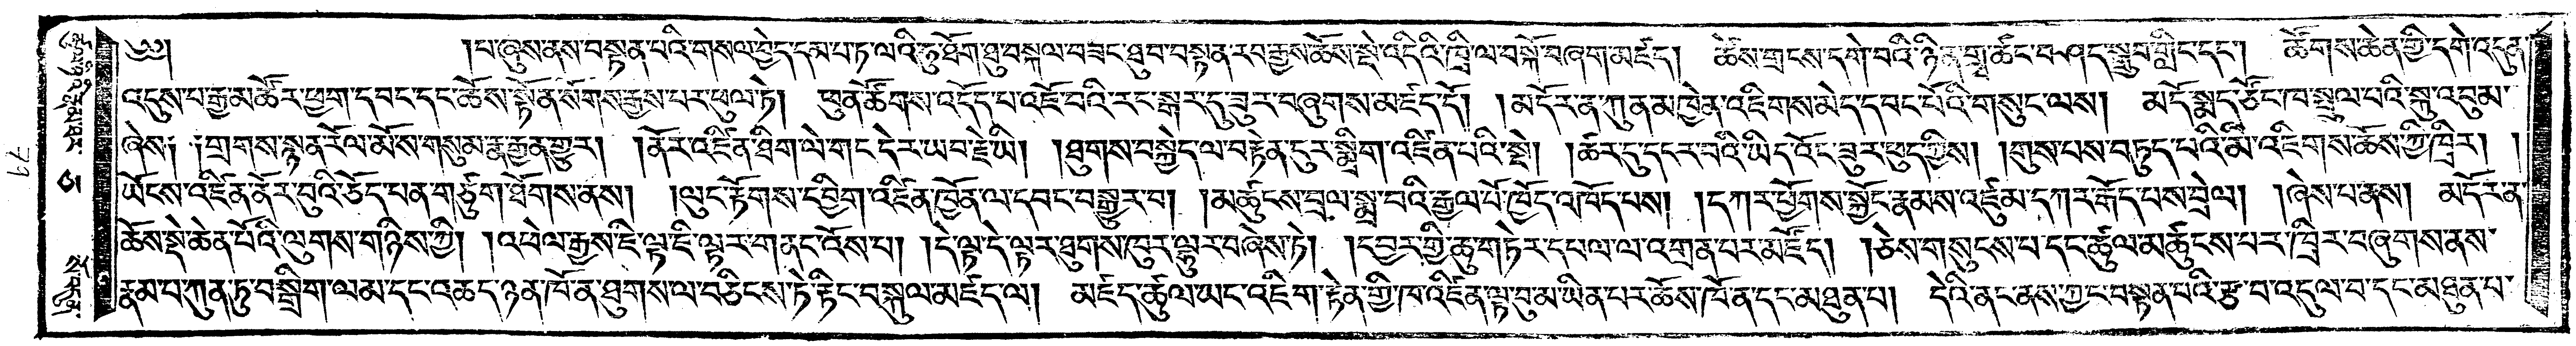༄༅། །བ་ཞུས་ནས་བསྟན་བའི་གསལ་བྱེད་དམ་པ་ཏ་ལའི་ཧུ་ཐོག་ཐུ་བསྐལ་བཟང་ཐུབ་བསྟན་རབ་རྒྱས་ཆོས་སྡེ་འདིའི་ཁྲི་ལ་བསྐོ་བཞག་མཛད། ཚེས་གྲངས་དགེ་བའི་ཉིན་གྲྭ་ཚང་བཤད་སྒྲུབ་གླིང་དང་། ཚོགས་ཆེན་གྱི་དགེ་འདུན་
འདུས་པ་རྒྱ་མཚོར་ཕྱག་དབང་དང་ཆོས་སྟོན་སོགས་རྒྱས་པར་ཕུལ་ཏེ། ཕུན་ཚོགས་འདོད་པ་འཇོ་བའི་རང་སྒྲ་དུ་ཟུར་བཞུགས་མཛད་དོ། །མདོར་ན་ཀུན་མཁྱེན་འཇིགས་མེད་དབང་པོའི་གསུང་ལས། མདོ་སྨད་ཙོང་ཁ་སྤྲུལ་པའི་སྐུ་འབུམ་
ཞེས༑ ༑གྲགས་སྙན་རོལ་མོས་གསུམ་རྣ་རྒྱན་གྱུར། །ནོར་འཛིན་ཐིག་ལེ་གང་དེར་ཡབ་རྗེ་ཡི། །ཐུགས་བསྐྱེད་ལ་བརྟེན་བུར་སྨྲིག་འཛིན་པའི་སྡེ། །ཚར་དུ་དངར་བའི་ཡིད་འོང་ཟུར་ཕུད་ཀྱིས། །གུས་བས་བཏུད་པའི་མི་འཇིགས་ཆོས་ཀྱི་ཁྲིར། །
ཡོངས་འཛིན་ནོར་བུའི་ཅོད་བན་གཙུག་ཐོགས་ནས། །ལུང་རྟོགས་དབྱིག་འཛིན་ཁྱོན་ལ་དབང་བསྒྱུར་བ། །མཚུངས་བྲལ་སྨྲ་བའི་རྒྱལ་པོ་ཁྱོད་འཁོད་པས། །དཀར་ཕྱོགས་སྐྱོང་རྣམས་འཛུམ་དཀར་རྒོད་པས་བྲེལ། །ཞེས་པ་ནས། མདོར་ན་
ཆོས་སྡེ་ཆེན་པོའི་ལུགས་གཉིས་ཀྱི། །འཕེལ་རྒྱས་ཇི་ལྟ་ཇི་ལྟར་གནང་འོས་པ། །དེ་ལྟ་དེ་ལྟར་ཐུགས་ཁུར་ལྷུར་བཞེས་ཏེ། །དབྱར་གྱི་ཆུ་གཏེར་དཔལ་ལ་འགྲན་བར་མཛོད། །ཅེས་གསུངས་པ་དང་ཚུལ་མཚུངས་པར་ཁྲིར་བཞུགས་ནས་
རྣམ་པ་ཀུན་ཏུ་བསྒྲིག་ལམ་དང་འཆད་ཉན་ཁོ་ན་ཐུགས་ལ་བཅིངས་ཏེ་རྟིང་བསྐུལ་མཛད་ལ། མཛད་ཚུལ་ཡང་འཇིག་རྟེན་གྱི་ཁ་འཛིན་ལྟ་བུ་མ་ཡིན་པར་ཆོས་ཁོ་ན་དང་མཐུན་པ། དེའི་ནང་ནས་ཀྱང་བསྟན་པའི་རྩ་བ་འདུལ་བ་དང་མཐུན་བ་